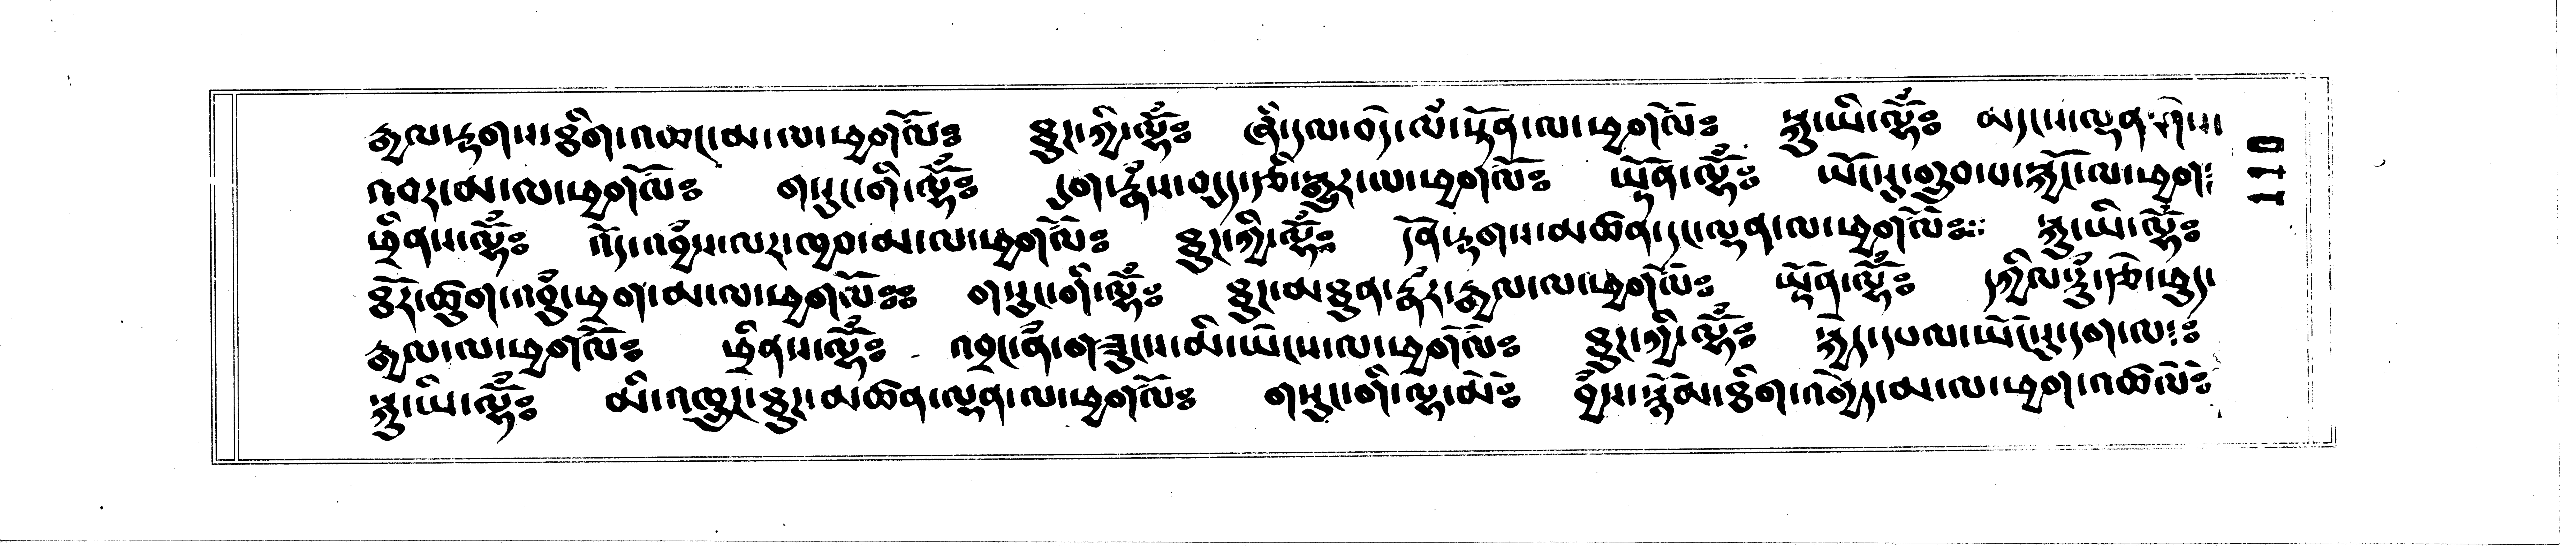རྒྱལ་རྟགས་ཀྱི་ཐིག་འཆང་ལ་ཕྱག་འཚལ་ལོཿ ཐུགས་ཀྱི་ལྷ་མོཿ ཞི་དལ་བདེ་ལམ་སྟོན་ལ་ཕྱག་འཚལ་ལོཿ སྐུ་ཡི་ལྷ་མོཿ མདངས་ལྡན་ཤེས་
འབར་མ་ལ་ཕྱག་འཚལ་ལོཿ གསུང་གི་ལྷ་མོཿ དུག་རྣམས་བདུད་རྩིར་བསྒྱུར་ལ་ཕྱག་འཚལ་ལོཿ ཡོན་ཏན་གྱི་ལྷ་མོཿ ཡོངས་སུ་གྲུབ་པ་སྐྱོང་ལ་ཕྱག་འཚལ་ལོཿ 
ཕྲིན་ལས་ཀྱི་ལྷ་མོཿ འོད་འབྱམས་ལར་ཁྱབ་མ་ལ་ཕྱག་འཚལ་ལོཿ ཐུགས་ཀྱི་ལྷ་མོཿ དོན་རྟགས་མཚན་དང་ལྡན་ལ་ཕྱག་འཚལ་ལོཿ སྐུ་ཡི་ལྷ་མོཿ 
ཐོར་ཚུགས་འབུམ་ཕྲག་མ་ལ་ཕྱག་འཚལ་ལོཿ གསུང་གི་ལྷ་མོཿ ཐུགས་མཐུན་རྣམ་པར་རྒྱལ་ལ་ཕྱག་འཚལ་ལོཿ ཡོན་ཏན་གྱི་ལྷ་མོཿ དཀྱིལ་རུམ་རྩེ་ཕུད་
རྒྱལ་ལ་ཕྱག་འཚལ་ལོཿ ཕྲིན་ལས་ཀྱི་ལྷ་མོཿ འབྲང་ནམ་གཟུང་མི་ཡེངས་ལ་ཕྱག་འཚལ་ལོཿ ཐུགས་ཀྱི་ལྷ་མོཿ སྐྱེད་དཔལ་ཡོངས་སུ་དག་ལ་ཕྱག་འཚལ་ལོཿ
སྐུ་ཡི་ལྷ་མོཿ མི་འཁྲུག་ཐུགས་མཚན་ལྡན་ལ་ཕྱག་འཚལ་ལོཿ གསུང་གི་ལྷ་མོཿ བྱམས་སྙོམས་ཐིག་འབྱེད་མ་ལ་ཕྱག་འཚལ་ལོཿ